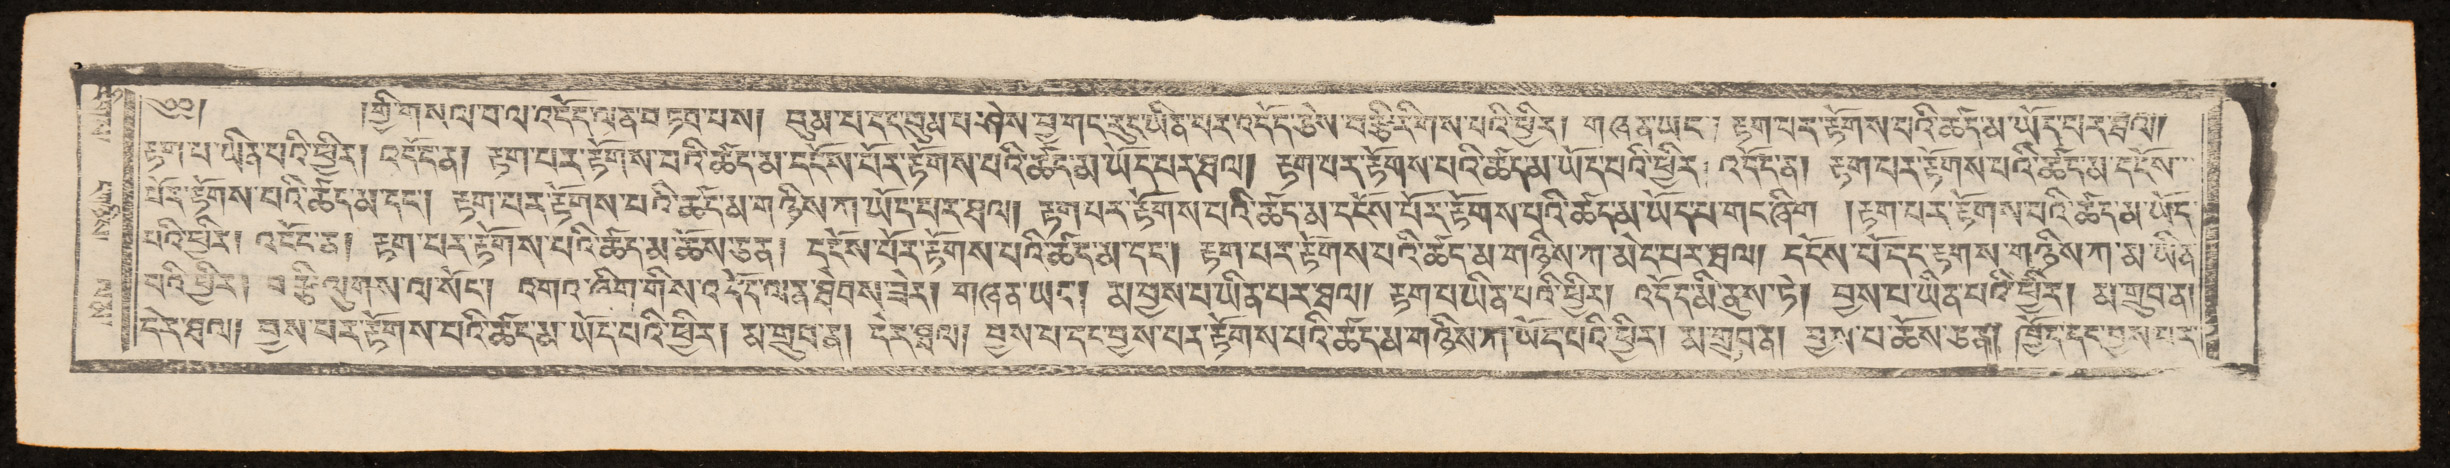༄༅། །གྱི་གསལ་བ་ལ་འདོད་ལན་བཏབ་པས། བུམ་པ་དང་བུམ་པ་ཤེས་བྱ་གང་རུང་ཡིན་པར་འདོད་ཅེས་བརྩི་རིགས་པའི་ཕྱིར། གཞན་ཡང་། རྟག་པར་རྟོགས་པའི་ཚད་མ་ཡོད་པར་ཐལ།
རྟག་པ་ཡིན་པའི་ཕྱིར། འདོད་ན། རྟག་པར་རྟོགས་པའི་ཚད་མ་དངོས་པོར་རྟོགས་པའི་ཚད་མ་ཡོད་པར་ཐལ། རྟག་པར་རྟོགས་པའི་ཚད་མ་ཡོད་པའི་ཕྱིར། འདོད་ན། རྟག་པར་རྟོགས་པའི་ཚད་མ་དངོས་
པོར་རྟོགས་པའི་ཚད་མ་དང་། རྟག་པར་རྟོགས་པའི་ཚད་མ་གཉིས་ཀ་ཡོད་པར་ཐལ། རྟག་པར་རྟོགས་པའི་ཚད་མ་དངོས་པོར་རྟོགས་པའི་ཚད་མ་ཡོད་པ་གང་ཞིག། རྟག་པར་རྟོགས་པའི་ཚད་མ་ཡོད་
པའི་ཕྱིར། འདོད་ན། རྟག་པར་རྟོགས་པའི་ཚད་མ་ཆོས་ཅན། དངོས་པོར་རྟོགས་པའི་ཚད་མ་དང་། རྟག་པར་རྟོགས་པའི་ཚད་མ་གཉིས་ཀ་མེད་པར་ཐལ། དངོས་པོ་དང་རྟག་པ་གཉིས་ཀ་མ་ཡིན་
པའི་ཕྱིར། བརྩི་ལུགས་ལ་སོང་། འགའ་ཞིག་གིས་འདོད་ལན་ཐེབས་ཟེར། གཞན་ཡང་། མ་བྱས་པ་ཡིན་པར་ཐལ། རྟག་པ་ཡིན་པའི་ཕྱིར། འདོད་མི་ནུས་ཏེ། བྱས་པ་ཡིན་པའི་ཕྱིར། མ་གྲུབ་ན།
དེར་ཐལ། བྱས་པར་རྟོགས་པའི་ཚད་མ་ཡོད་པའི་ཕྱིར། མ་གྲུབ་ན། དེར་ཐལ། བྱས་པ་དང་བྱས་པར་རྟོགས་པའི་ཚད་མ་གཉིས་ཀ་ཡོད་པའི་ཕྱིར། མ་གྲུབ་ན། བྱས་པ་ཆོས་ཅན། ཁྱོད་དང་བྱས་པར་